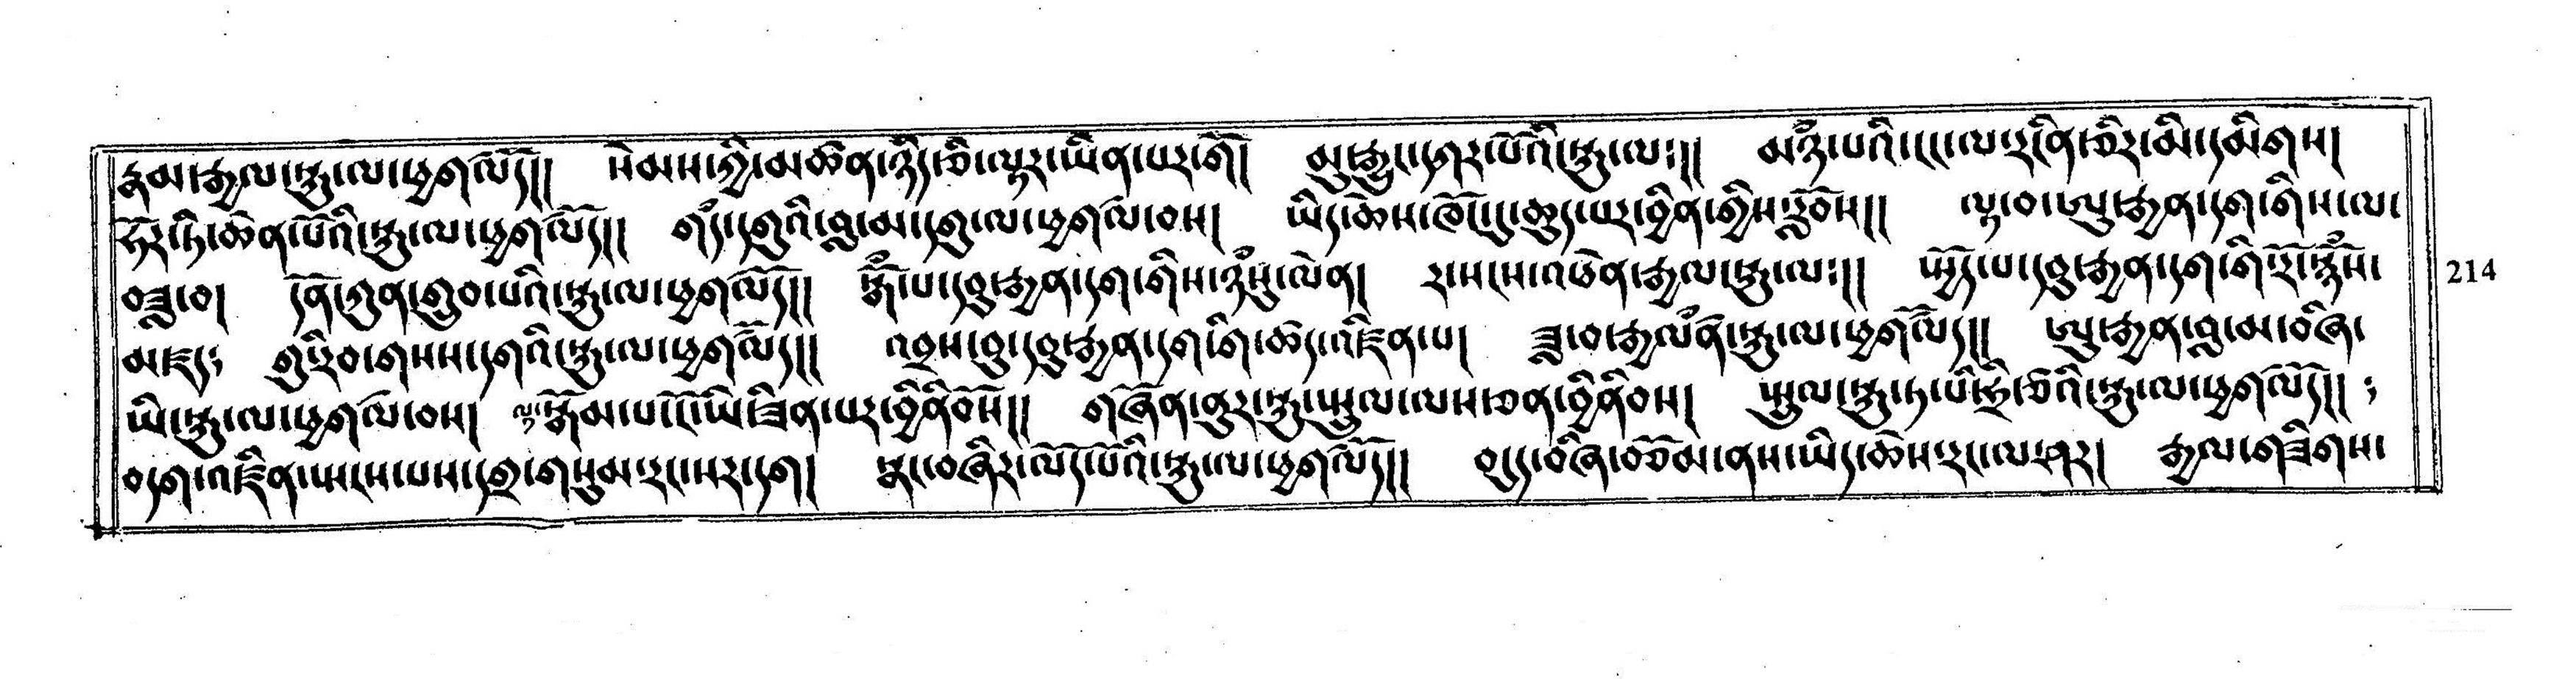རྣམ་རྒྱལ་སྐུ་ལ་ཕྱག་འཚལ་བསྟོད།། སེམས་ཀྱི་མཚན་ཉིད་ཅི་ལྟར་ཡིན་པར་གོ། མུ་རྒྱུང་དཀར་པོའི་སྐུ་ལ༴།། མཉམ་པའི་ངང་ལ་རང་བཞིན་ཅིར་མི་དམིགས། 
ཧོར་ཏི་ཆེན་པོའི་སྐུ་ལ་ཕྱག་འཚལ་བསྟོད།། གདམ་དགུའི་བླ་མ་དགུ་ལ་ཕྱག་འཚལ་བས། ཡིད་ཆེས་ཁོང་དུ་ཆུད་པར་བྱིན་གྱིས་རློབས།། ལྟ་བ་ཨུ་རྒྱན་དག་གིས་ལ་
བཟླ་བ། དོན་ཀུན་གྲུབ་པའི་སྐུ་ལ་ཕྱག་འཚལ་བསྟོད།། སྒོམ་པ་དབུ་རྒྱན་དག་གིས་ཉམས་སུ་ལེན། ར་སངས་འཕེན་རྒྱལ་སྐུ་ལ༴།། སྤྱོད་པ་དབུ་རྒྱན་དག་གི་རོ་སྙོམས་
མཛད། གུ་རིབ་གསས་དགའི་སྐུ་ལ་ཕྱག་འཚལ་བསྟོད།། འབྲས་བུ་དབུ་རྒྱན་དག་གི་ཚད་འཛིན་པ། ཟླ་བ་རྒྱལ་མཚན་སྐུ་ལ་ཕྱག་འཚལ་བསྟོད།། ཨུ་རྒྱན་བླ་མ་བཞི་
ཡི་སྐུ་ལ་ཕྱག་འཚལ་བས། སྒོམ་པ་ངོ་ཡི་ཟིན་པར་བྱིན་གྱིས་རློབས།། གཞོན་ནུར་སྐུ་སྤྲུལ་ལས་ཅན་བྱིན་གྱིས་བརླབས། སྤྲུལ་སྐུ་ཏ་པི་ཧྲི་ཙའི་སྐུ་ལ་ཕྱག་འཚལ་བསྟོད།། 
བདག་འཛིན་སྤངས་པས་དགྲ་གསུམ་རང་སར་དག སྣང་བཞེར་ལོད་པོའི་སྐུ་ལ་ཕྱག་འཚལ་བསྟོད།། བདུད་བཞི་བཅོམ་ནས་ཡིད་ཆེས་རང་ལ་ཤར། རྒྱལ་གཟིགས་